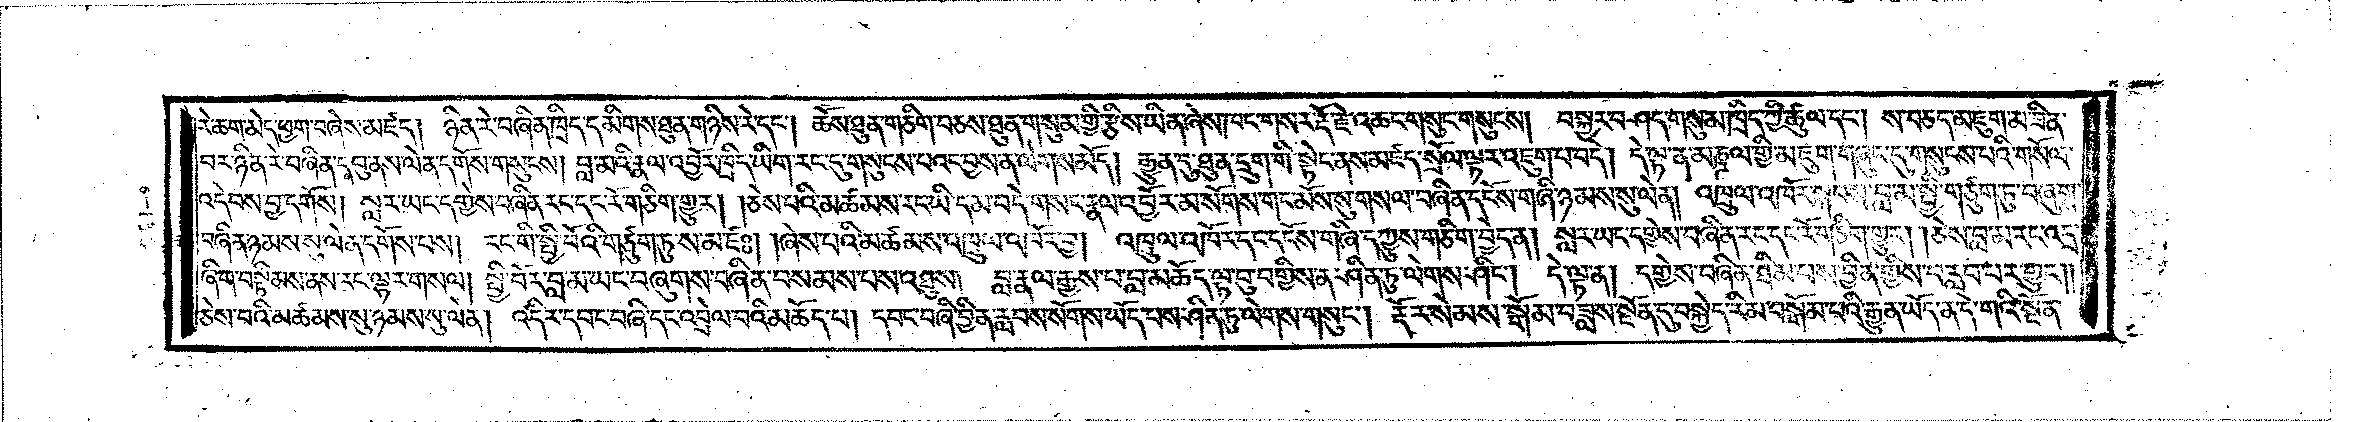རེ་ཆག་མེད་ཕྱག་བཞེས་མཛད། ཉིན་རེ་བཞིན་ཁྲིད་དམིགས་ཐུན་གཉིས་རེ་དང་། ཆོས་ཐུན་གཅིག་བཅས་ཐུན་གསུམ་གྱི་རྩིས་ཡིན་ཞེས་ཁང་གསར་རྡོ་རྗེ་འཆང་གསུང་གསུངས། བསྐྱར་བཤད་གསུམ་ཁྲིད་ཀྱི་ཚུལ་དང་། ས་བཅད་མཇུག་མ་ཟིན་
བར་ཉིན་རེ་བཞིན་དབུ་ནས་ལེན་དགོས་གསུངས། བླ་མའི་རྣལ་འབྱོར་ཁྲིད་ཡིག་རང་དུ་གསུངས་པའང་བྱས་ན་ལེགས་མོད། རྒྱུན་དུ་ཐུན་དྲུག་གི་སྟེང་ནས་མཛད་སྲོལ་ལྟར་འཇུག་པ་བདེ། དེ་ལྟ་ན་མཎྜལ་གྱི་མཇུག་གཞུང་དུ་གསུངས་པའི་གསོལ་
འདེབས་བྱ་དགོས། སླར་ཡང་དགྱེས་བཞིན་རང་དང་རོ་གཅིག་གྱུར། །ཅེས་པའི་མཚམས་རང་ཡི་དམ་བདེ་གསང་རྣལ་འབྱོར་མ་སོགས་གང་མོས་སུ་གསལ་བཞིན་དངོས་གཞི་ཉམས་སུ་ལེན། འཁྲུལ་འཁོར་སྐབས་བླ་མ་སྤྱི་གཙུག་ཏུ་བཞུགས་
བཞིན་ཉམས་སུ་ལེན་དགོས་པས། རང་གི་སྤྱི་པོའི་གཙུག་ཏུ་ས་མ་ཛཿ། །ཞེས་པའི་མཚམས་འཁྲུལ་འཁོར་བྱ། འཁྲུལ་འཁོར་དང་དངོས་གཞི་དཀྱུས་གཅིག་བྱེད་ན། སླར་ཡང་དགྱེས་བཞིན་རང་དང་རོ་གཅིག་གྱུར། །ཅེས་བླ་མ་རང་འདྲ་
ཞིག་བསྟིམས་ནས་རང་ལྷར་གསལ། སྤྱི་བོར་བླ་མ་ཡང་བཞུགས་བཞིན་བསམས་པས་འཐུས། བླ་རྣལ་རྒྱས་པ་བླ་མཆོད་ལྟ་བུ་བགྱིས་ན་ཤིན་ཏུ་ལེགས་ཤིང་། དེ་ལྟ་ན། དགྱེས་བཞིན་ཐིམ་པས་བྱིན་གྱིས་བརླབ་པར་གྱུར།།
ཅེས་པའི་མཚམས་སུ་ཉམས་སུ་ལེན། འདིར་དབང་བཞི་དང་འབྲེལ་བའི་མཆོད་པ། དབང་བཞི་བྱིན་རླབས་སོགས་ཡོད་པས་ཤིན་ཏུ་ལེགས་གསུང་། རྡོར་སེམས་སྒོམ་བཟླས་སྔོན་དུ་བསྐྱེད་རིམ་བསྒོམ་པའི་རྒྱུ་ན་ཡོད་ན་དེ་གའི་སྔོན་